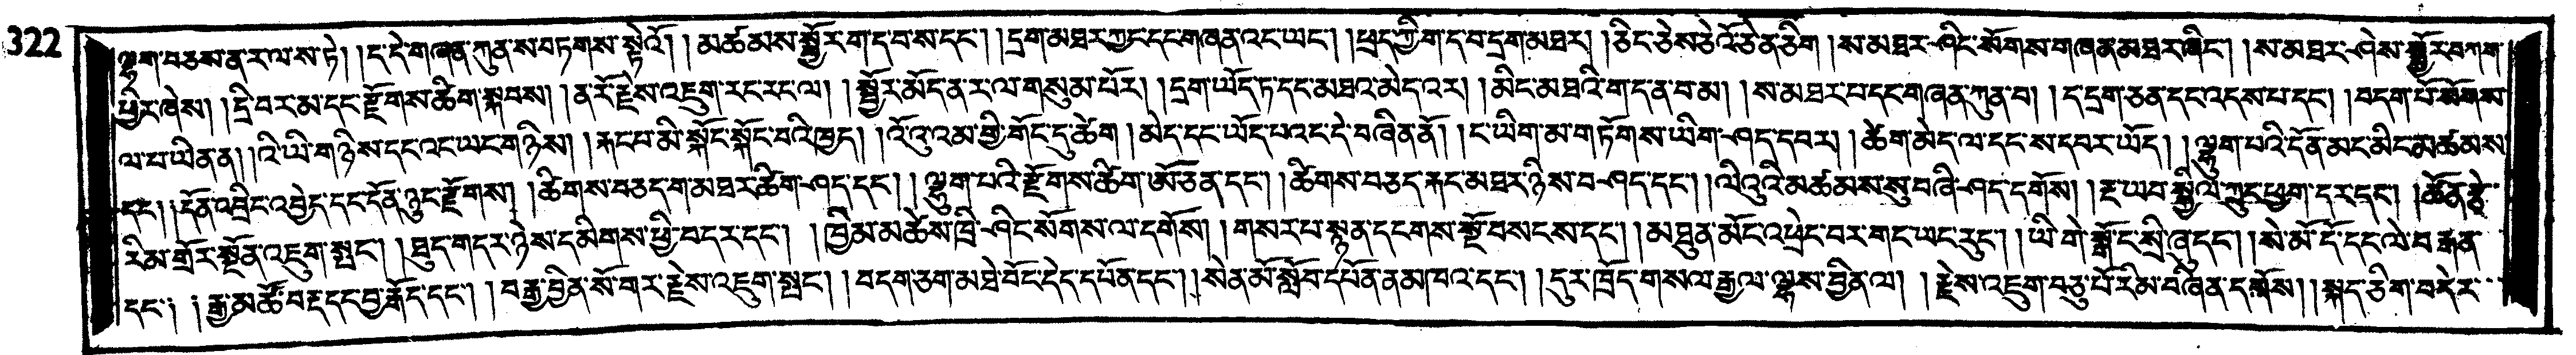ལྷག་བཅས་ན་ར་ལ་ས་ཏེ། །ད་དེ་གཞན་ཀུན་ས་བཏགས་སྟེའོ། །མཚམས་སྦྱོར་ག་ད་བ་ས་དང་། །དྲག་མཐར་ཀྱང་དང་གཞན་འང་ཡང་། །ཕྲད་ཀྱི་ག་ད་བ་དྲག་མཐར། །ཅིང་ཅེས་ཅེའོ་ཅེ་ན་ཅིག། །ས་མཐར་ཤིང་སོགས་གཞན་མཐར་ཞིང་། །ས་མཐར་ཤེས་སྦྱོར་བཀག་
ཕྱིར་ཞེས། །དྲི་བར་མ་དང་རྫོགས་ཚིག་སྐབས། །ན་རོ་རྗེས་འཇུག་རང་རང་ལ། །སྦྱོར་མོད་ན་ར་ལ་གསུམ་བོར། །དྲག་ཡོད་ཏ་དང་མཐའ་མེད་འར། །མིང་མཐའི་ག་ད་ན་བ་མ། །ས་མཐར་པ་དང་གཞན་ཀུན་བ། །ད་དྲག་ཅན་དང་འདས་པ་དང་། །བདག་པོ་སོགས་
ལ་པ་ཡིན་ན། །འི་ཡི་གཉིས་དང་འང་ཡང་གཉིས། །རྐང་པ་མི་སྐོང་སྐོང་བའི་ཁྱད། །འོ་འུ་འམ་གྱི་གོང་དུ་ཚེག །མེད་དང་ཡོད་པའང་དེ་བཞིན་ནོ། །ང་ཡིག་མ་གཏོགས་ཡིག་བཤད་བར། །ཚེག་མེད་ལ་དང་ས་དབར་ཡོད། །ལྷུག་པའི་དོན་མང་མིང་མཚམས་
དང་། །དོན་འབྲིང་འབྱེད་དང་དོན་ཉུང་རྫོགས། །ཚིག་བཅད་ག་མཐར་ཚོག་བཤད་དང་། །ལྷུག་པའི་རྫོགས་ཚིག་ཨོ་ཅན་དང་། །ཚིག་བཅད་རྐང་མཐར་ཉིས་བཤད་དང་། །ལིའུའི་མཚམས་སུ་བཞི་ཤད་དགོས། །རྔ་ཡབ་སྐྱིལ་ཀྲུང་ཕྱག་དར་དང་། །ཚོན་རྩེ་
རིམ་གྲོར་སྔོན་འཇུག་སྤང་། །ཐུད་གདར་ཉེས་དམིགས་ཕྱི་བདར་དང་། །ཁྱིམ་མཚེས་ཁྲི་ཤིང་སོགས་ལ་དགོས། །གསར་པ་སྙན་དང་གས་སྔོ་བསངས་དང་། །མཐུན་མོང་འཕྲེང་བར་གང་ཡང་རུང་། །ཡི་གེ་སྒོ་ང་སྲི་ཞུ་དང་། །སེ་མོ་དོ་དང་ལེ་བརྒན་
དང༑ ༑རྒྱ་མཚོ་བརྡ་དང་བྱ་རྒོད་དང་། །བརྒྱ་བྱིན་སོ་གར་རྗེས་འཇུག་སྤང་། །བདག་ཅག་མཐེ་བོང་དེད་དཔོན་དང་། །སེན་མོ་དཔོན་ནམ་མཁའ་དང་། །དུར་ཁྲོད་གསལ་རྒྱལ་ལྷས་བྱིན་ལ། །རྗེས་འཇུག་བཅུ་པོ་རིམ་བཞིན་དགོས། །སྐད་ཅིག་བདེར་